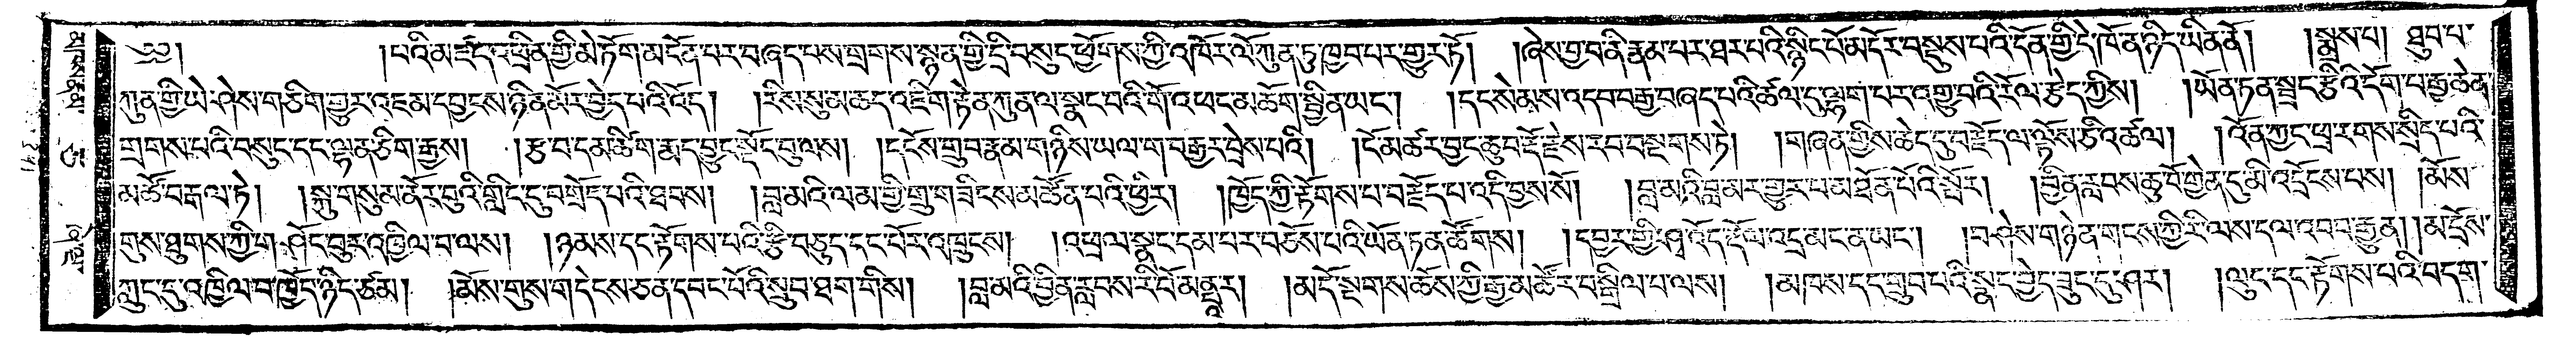༄༅། །པའི་མཛད་འཕྲིན་གྱི་མེ་ཏོག་མངོན་བར་བཞད་པས་གྲགས་སྙན་གྱི་དྲི་བསུང་ཕྱོགས་ཀྱི་འཁོར་ལོ་ཀུན་ཏུ་ཁྱབ་པར་གྱུར་ཏོ། །ཞེས་བྱ་བ་ནི་རྣམ་པར་ཐར་བའི་སྙིང་པོ་མདོར་བསྡུས་པའི་དོན་གྱི་དེ་ཁོ་ན་ཉིད་ཡིན་ནོ། །སྨྲས་པ། ཐུབ་པ་
ཀུན་གྱི་ཡེ་ཤེས་གཅིག་གྱུར་འཇམ་དབྱངས་ཉིན་མོར་བྱེད་པའི་འོད། །རིས་སུ་མཆད་འཇིག་རྟེན་ཀུན་ལ་སྣང་བའི་གོ་འཕང་མཆོག་སྦྱིན་ཡང་། །དང་སེམས་འདབ་བརྒྱ་བཞད་པའི་ཚལ་དུ་ལྷག་པར་འགྱུར་བའི་རོལ་རྩེད་ཀྱིས། །ཡོན་ཏན་སྒྲང་རྩིའི་དོག་པ་རྒྱ་ཆེན་
གྲགས་པའི་བསུང་དང་ལྷན་ཅིག་རྒྱས། །རྩ་བ་དམ་ཚིག་རྨད་བྱུང་སྡོང་བུ་ལས། །དངོས་གྲུབ་རྣམ་གཉིས་ཡལ་ག་བརྒྱར་བྲེས་པའི། །ངོ་མཚར་བྱང་ཆུབ་རྡོ་རྗེས་རབ་བསྔགས་ཏེ། །གཞན་གྱིས་ཆེད་དུ་བརྗོད་ལ་ལྟོས་ཅི་འཚལ། །འོན་ཀྱང་ཕྲ་རགས་སྲིད་པའི་
མཚོ་བརྒལ་ཏེ། །སྐུ་གསུམ་ནོར་བུའི་གླིང་དུ་བགྲོད་པའི་ཐབས། །བླ་མའི་ལམ་གྱི་གྲུ་གཟིངས་མཚོན་པའི་ཕྱིར། །ཁྱོད་ཀྱི་རྟོགས་པ་བརྗོད་པ་འདི་བྱས་སོ། །བླ་མའི་བླ་མར་གྱུར་པ་མཐོན་པོའི་སྤོར། །བྱིན་རླབས་ཆུ་བོ་གྱེན་དུ་མི་འདྲོངས་པས། །མོས་
གུས་ཐུགས་ཀྱི་གཤོང་བུར་འཁྱིལ་བ་ལས། །ཉམས་དང་རྟོགས་པའི་རྩི་བཅུད་དང་པོར་འཁྲུངས། །འཕྲལ་སྣང་དམ་པར་བཅོས་པའི་ཡོན་ཏན་ཚོགས། །དབྱར་གྱི་ཤྭ་འོད་རྡོལ་འདྲ་མང་ན་ཡང་། །བཤེས་གཉེན་གངས་ཀྱི་རི་ལས་དལ་འབབ་རྒྱུན། །མ་དྲོས་
ཀླུང་དུ་འཁྱིལ་བ་ཁྱོད་ཉིད་ཙམ། །མོས་གུས་གདེངས་ཅན་དབང་པོའི་སྲུབ་ཐག་གིས། །བླ་མའི་བྱིན་རླབས་རི་བོ་མནྤཱར། །མདོ་སྔགས་ཆོས་ཀྱི་རྒྱ་མཚོར་བསྒྲིལ་པ་ལས། །མཁས་དང་གྲུབ་པའི་སྣང་བྱེད་ཟུང་དུ་ཤར། །ལུང་དང་རྟོགས་པའི་བདག་